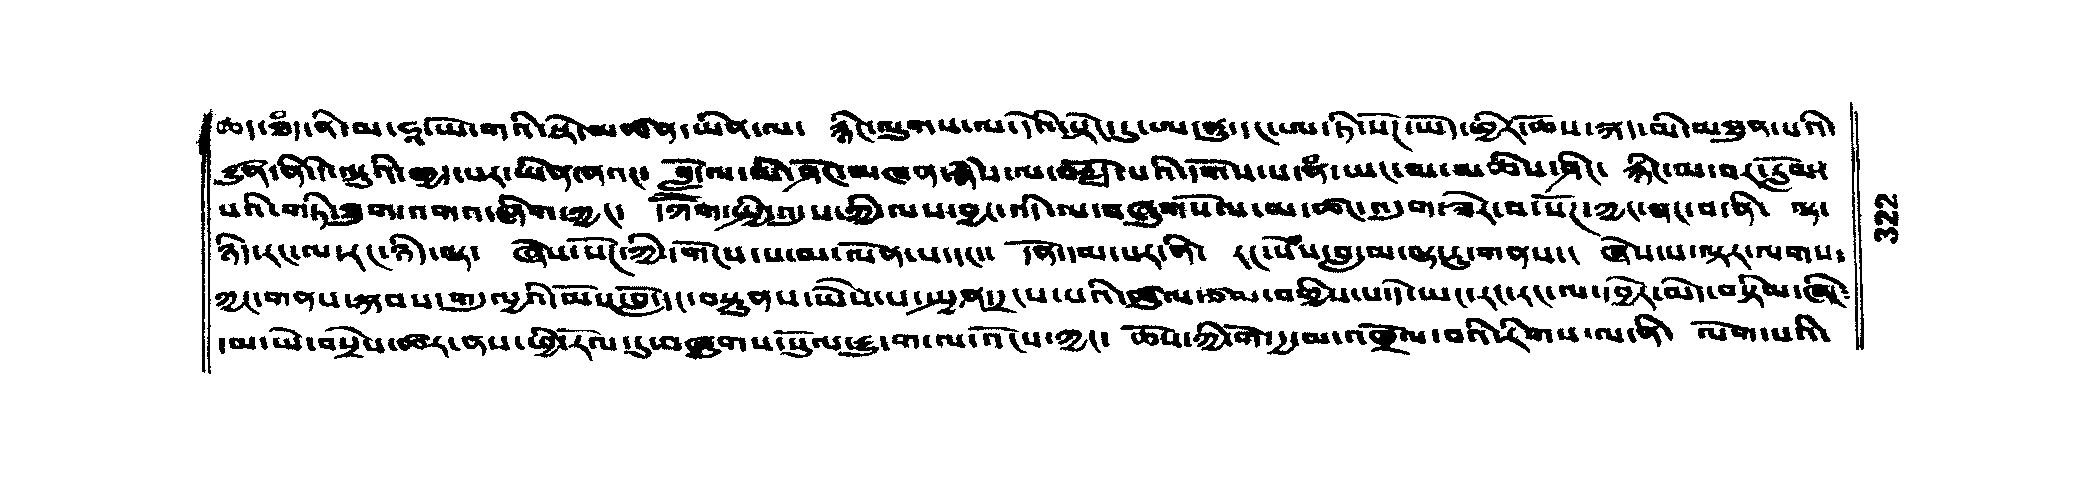ཆད་ཐམས་ཅད་ནི་མ་ཧཱ་ཡོ་གའི་སྡེ་མཚན་ཡིན། རྙིང་ལུགས་ལ་དེའི་སྟེང་དུ་ཨ་ནུ་ཨ་ཏི་སོགས་ཡོད་ཕྱིར་ཆོས་སྐད་མི་མཐུན་པའི་
རྒྱུ་མཚན་ནི་དེ་ལྟ་བུའི་ཁྱད་པར་ཡིན་ནའང་། བློ་ལ་མི་ཤོང་མཁན་རྣམས་ལ་བརྗོད་པའི་དགོས་པ་ནམ་ཡང་མ་མཆིས་ཤིང་། རྙིང་མ་བར་རློམ་
པའི་གཏི་ཐུག་འགའ་ཞིག་ཀྱང་། དཀོན་མཆོག་སྤྱི་འདུས་ཀྱི་ལས་བྱང་འདི་ལ་བཞུགས་གསོལ་མ་ཚང་འདུག་ཟེར་བ་སོགས་ཀྱང་གནང་བ་ནི། ལྷ་
ཉིད་རང་ལ་རང་ཉིད་ལྷ། །ཞེས་སོགས་ཀྱི་དགོངས་པ་མ་ལོན་པ་དང་། དོན་དམ་པར་ནི། རང་སེམས་བླ་མ་ལྷ་རུ་གནས། །ཞེས་པ་ལྟར་ལགས་
ཀྱང་གནས་སྐབས་གདུལ་བྱའི་མོས་བློ་དང་བསྟུན་ནས་ཡེ་ཤེས་པ་སྤྱན་དྲངས་པའི་ཚུལ་ཙམ་བགྱིས་པ་དེ་ཡང་རང་རང་ལ་དབྱེར་མེད་བསྟིམ་ཞིང་
དམ་ཡེ་བསྲེས་ཚར་ནས་ཕྱི་རོལ་དུ་བཞུགས་སུ་གསོལ་རྒྱུ་ག་ལ་འོངས་ཀྱང་། ཆོས་ཀྱི་གོ་རྒྱ་མ་འཁྲོལ་བའི་རིགས་ལ་ནི། ལོག་པའི་